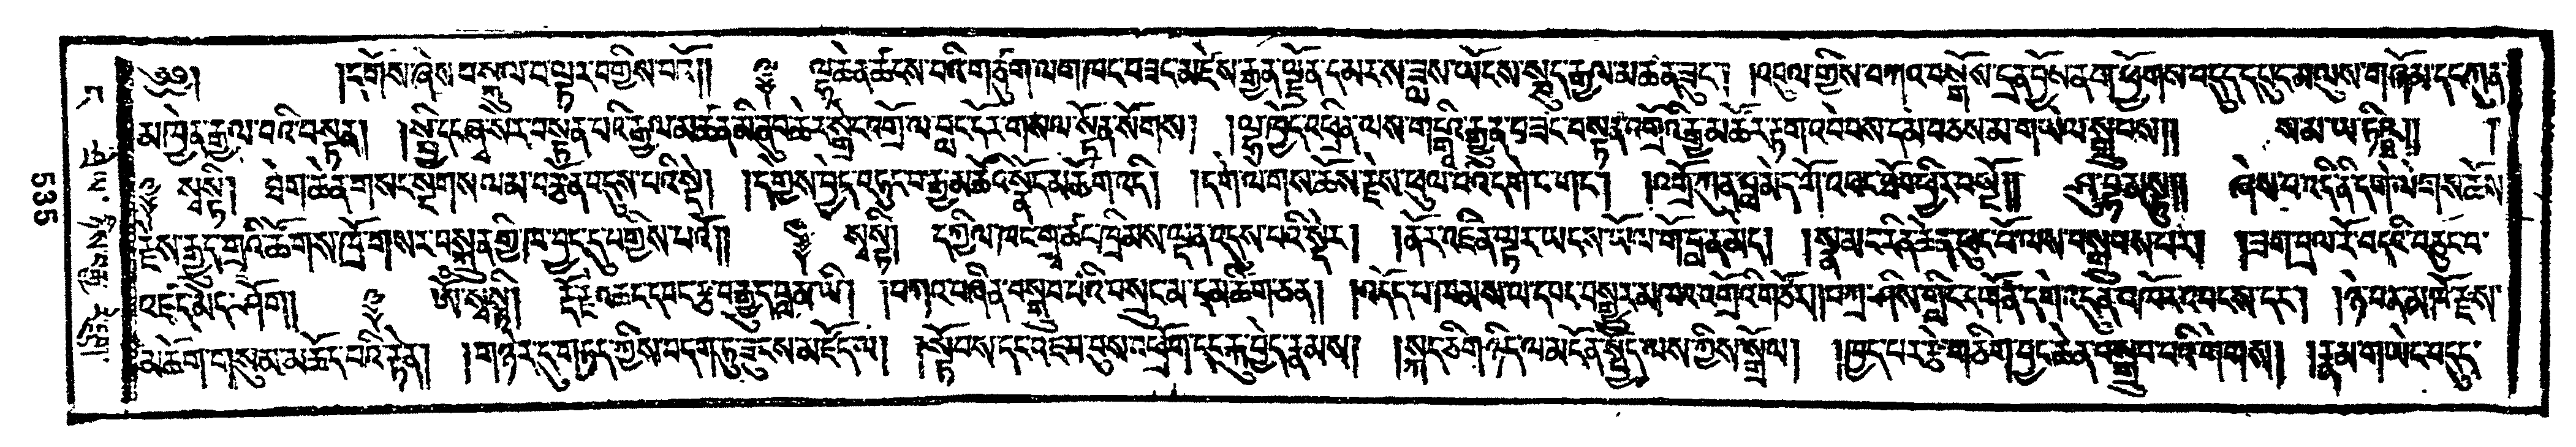༄༅། །དགོས་ཞེས་བསྐུལ་བ་ལྟར་བགྱིས་པའོ།། ༈ ལྷ་ཆེན་ཚངས་པའི་གཙུག་ལག་ཁང་བཟང་མཛེས་རྒྱན་ལྗོན་དམར་ས་ཟླས་ཡོངས་སྦུད་རྒྱལ་མཚན་ཟུང་། །འབུལ་གྱིས་བཀའ་བསྒོས་དྲན་བྱོས་ནག་ཕྱོགས་བདུད་དཔུང་མ་ལུས་གཞོམ་དང་ཀུན་
མཁྱེན་རྒྱལ་བའི་བསྟན། །སྤྱི་དང་ཞྭ་སེར་བསྟན་པའི་རྒྱལ་མཚན་མི་ནུབ་ཆེར་སྒྲེང་འགྲོ་ལ་བླང་དོར་གསལ་སྟོན་སོགས། །ལྷ་ཁྱོད་འཕྲིན་ལས་གངྒའི་རྒྱུན་བཟང་བསྟན་འགྲོའི་རྒྱ་མཚོར་རྟག་འབེབས་དམ་བས་ལ་གཡེལ་སྒྲུབས།། ས་མ་ཡ་ཏིཥྚྷ།།
༈སྭསྟི། ཐེག་ཆེན་གསང་སྔགས་ལམ་བརྩོན་བདུས་པའི་སྡེ། །དགྱེས་བྱེད་བཏུང་བ་རྒྱ་མཚོའི་སྣོད་མཆོག་འདི། །དགེ་ལེགས་ཆོས་རྗེས་ཕུལ་བའི་དགེ་བ་གང་། །འགྲོ་ཀུན་བླ་མེད་གོ་འཕང་ཐོབ་ཕྱིར་བསྔོ། ཤུ་བྷ་མསྟུ།། ཞེས་པ་འདི་ནི་དགེ་ལེགས་ཆོས་
རྗེས་རྒྱུད་གྲྭའི་ཚོགས་ཁྲོ་གསར་བསྐྲུན་གྱི་ཁ་བྱང་དུ་བགྱིས་པའོ།། ༈ སྭསྟི། དཀྱིལ་ཁང་གྲྭ་ཚང་ཁྲིམས་ལྡན་འདུས་པའི་སྡེར། །ནོར་འཛིན་ལྟར་ཡངས་ཡོལ་གོ་བླ་ན་མེད། །སྣ་མང་རིན་ཆེན་ཕུང་པོ་ལས་བསྒྲུབས་པར། །ཟག་བྲལ་རོ་བདའི་བཅུང་བ་
འཛད་མེད་ཤོག། ༈ ཨོཾ་སྭསྟི། རྡོ་རྗེ་འཆང་དབང་རྩ་བརྒྱུད་བླ་མ་ཡི། །བཀའ་བཞིན་བསྒྲུབ་པའི་བསྲུང་མ་དམ་ཚིག་ཅན། །འདོད་པ་ཁམས་ལ་དབང་བསྒྱུར་མཁའ་འགྲོའི་གཙོར། །བཀྲ་ཤིས་གླིང་དགོན་དགེ་འདུན་འཁོར་འབངས་དང་། །ཉེ་བན་མཁོ་རྫས་
མཆོག་གསུམ་མཆོད་པའི་རྟེན། །གཉེར་དུ་གཏད་ཀྱིས་བདག་ཏུ་ཟུངས་མཛོད་ལ། །སྟོབས་དང་འཇབ་བུས་འཕྲོག་དང་རྐུ་བྱེད་རྣམས། །སྐད་ཅིག་ཉིད་ལ་མངོན་སྤྱོད་ལས་ཀྱིས་སྒྲོལ། །ཁྱད་པར་རྩེ་གཅིག་བྱང་ཆེན་བསྒྲུབ་པའི་གེགས། །རྣམ་གཡེང་བདུད་